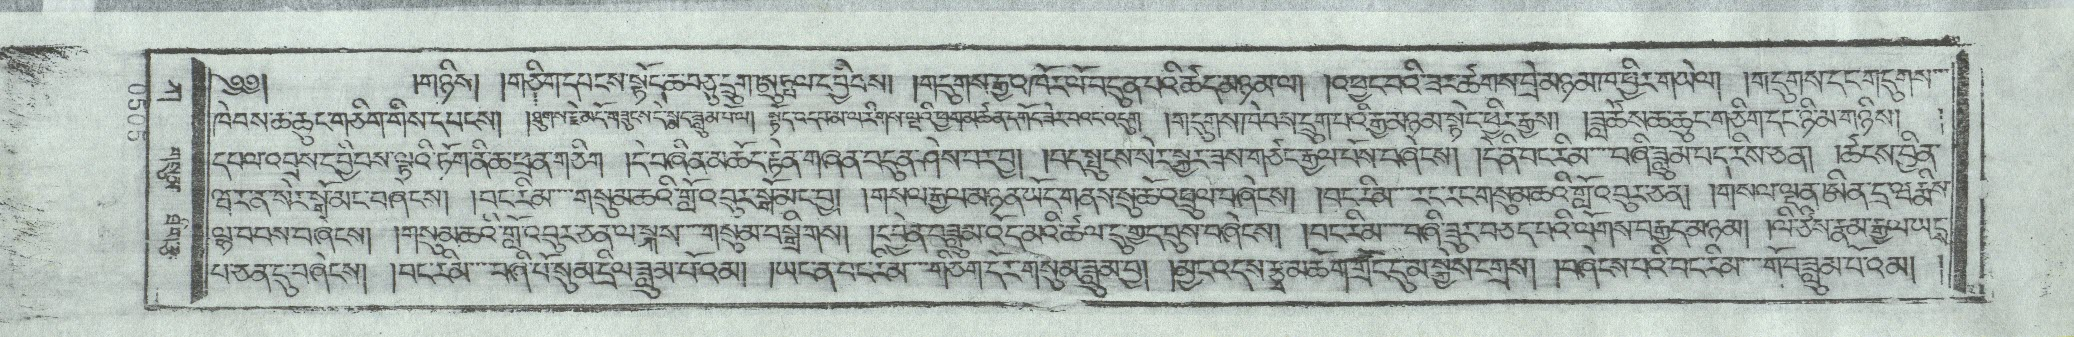༄༅། །གཉིས། །གཅིག་དཔངས་སྟོད་ཆ་བཅུ་དྲུག་ཨུཏྤལ་དབྱིབས། །གདུགས་རྒྱ་འཁོར་ལོ་བདུན་པའི་ཚད་མཉམ་ལ། །འཕྱུང་བའི་ཟར་ཚགས་བྲེ་མཉམ་ཁ་ཕྱིར་གཡེལ། །གདུགས་དང་གདུགས་
ཁེབས་ཆ་ཆུང་གཅིག་གིས་དཔངས། །ཐུགས་རྗེ་མདོ་གཟུངས་དེ་སྨད་ཟླུམ་པོ་ལ?། སྟོང་འདབ་མ་ལ་མིག་ལྔའི་ཕྱག་མཚན་དགོང་ཟེར་???། གདུགས་ཁེབས་དྲུག་པའི་རྒྱ་མཉམ་སྟེང་ཕྱེར་རྒྱས། །ཟླ་ཚེས་ཆ་ཆུང་གཅིག་དང་ཉི་མ་གཉིས་
དཔལ་འབྲས་དབྱིབས་ལྟའི་ཏོག་ནི་ཆ་ཕྲན་གཅིག །དེ་བཞིན་མཆོད་རྟེན་གཞན་བདུན་ཤེས་བར་བྱ། །པང་སྤུངས་སེར་སྐྱར་ཟས་གཙང་རྒྱལ་པོས་བཞེངས། །དེ་ནི་བང་རིམ་བཞི་ཟླུམ་པད་རིས་ཅན། །ཚངས་བྱིན་
ཝ་ར་ན་སེར་སྒོ་མང་བཞེངས། །བང་རིམ་གསུམ་ཆའི་གློ་འབུར་སྒོ་མང་བྱ། །གསལ་རྒྱལ་མཉན་ཡོད་གནས་སུ་ཆོ་འཕྲུལ་བཞེངས། །བང་རིམ་རང་རང་གསུམ་ཆའི་གློ་འབུར་ཅན། །གསལ་ལྡན་ཨིན་དྲ་ལྔ་རྨིས་
ལྷ་བབས་བཞེངས། །གསུམ་ཆའི་གློ་འབུར་ཅན་ལ་སྐས་གསུམ་བ་སྒྲིགས། །དབྱེན་བཟུམ་འོད་མའི་ཚལ་དུ་གྱུད་བུས་བཞེང་། །བང་རིམ་བཟི་ཟུར་བཅད་པའི་ལོགས་བརྒྱད་མཉམ། །ལི་ཅི་རྣམས་རྒྱལ་ཡངས་
བ་ཅན་དུ་བཞེངས། །བང་རིམ་བཞི་པོ་སུམ་དྲིལ་ཟླུམ་པོ་འམ། །ཡང་ན་བང་རིམ་གཅིག་དོར་གསུམ་ཟླུམ་བྱ། །མྱང་འདས་རྩྭ་མཆོག་གྲོང་དུ་མ་སྐྱེས་དགྲས། །བཞེངས་པའི་བང་རིམ་གོབ་ཟླུམ་པོ་འམ། །